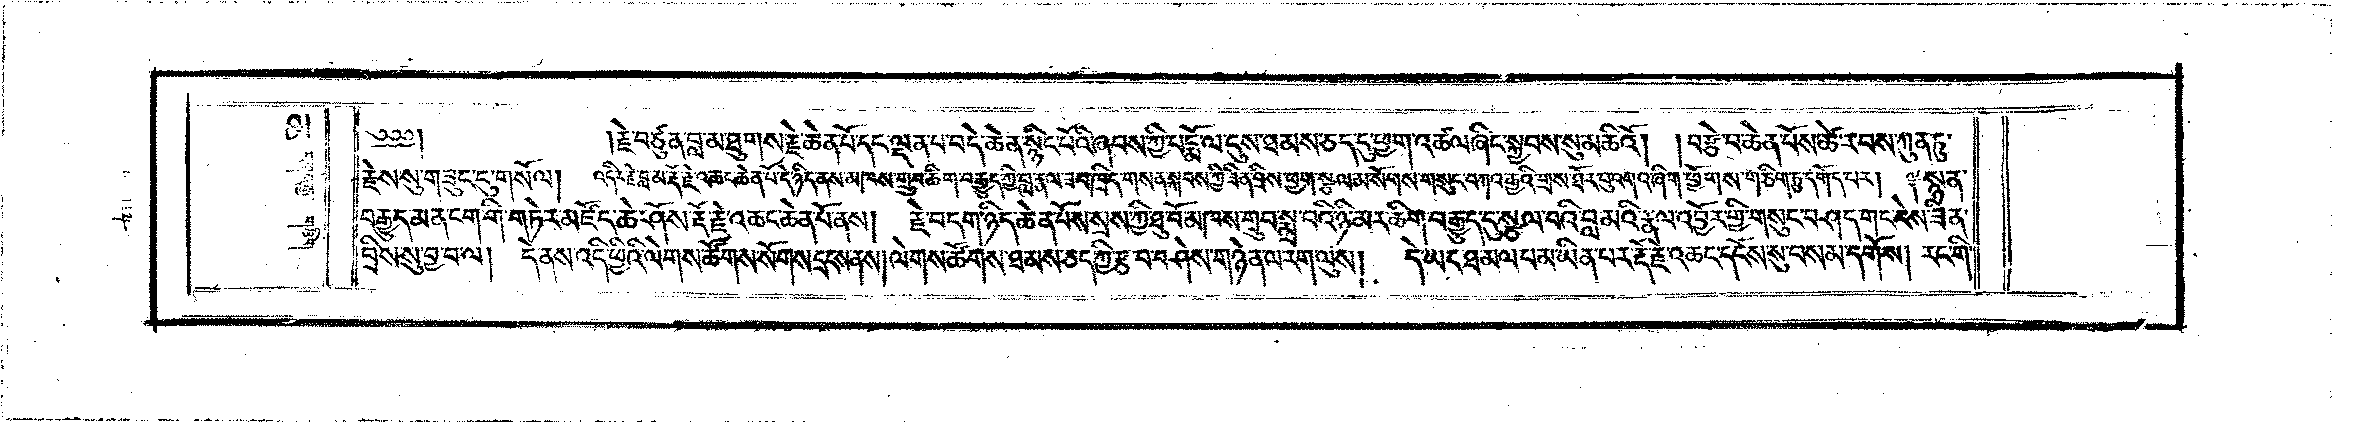༄༅༅། །རྗེ་བཙུན་བླ་མ་ཐུགས་རྗེ་ཆེན་པོ་དང་ལྡན་པ་བདེ་ཆེན་སྙིང་པོའི་ཞབས་ཀྱི་པདམོ་ལ་དུས་ཐམས་ཅད་དུ་ཕྱག་འཚལ་ཞིང་སྐྱབས་སུ་མཆིའོ། །བརྩེ་བ་ཆེན་པོས་ཚེ་རབས་ཀུན་ཏུ་
རྗེས་སུ་གཟུང་དུ་གསོལ། འདིར་རྗེ་བླ་མ་རྡོ་རྗེ་འཆང་ཆེན་པོ་དེ་ཉིད་ནས་མཁས་གྲུབ་ཆིག་བརྒྱུད་ཀྱི་བླ་རྣལ་ཟབ་ཁྲིད་གསན་སྐབས་ཀྱི་ཟིན་བྲིས་ཕྱག་སྩལ་མ་སོགས་གསུང་བཀའ་རྒྱའི་གྲས་ཐོར་བུ་འགའ་ཞིག་ཕྱོགས་གཅིག་ཏུ་དགོད་པར།  ༈ སྙན་
བརྒྱུད་མན་ངག་གི་གཏེར་མཛོད་ཆེ་ཤོས་རྡོ་རྗེ་འཆང་ཆེན་པོ་ནས། རྗེ་བདག་ཉིད་ཆེན་པོས་སྲས་ཀྱི་ཐུ་བོ་མཁས་གྲུབ་སྨྲ་བའི་ཉི་མར་ཆིག་བརྒྱུད་དུ་སྩལ་བའི་བླ་མའི་རྣལ་འབྱོར་གྱི་གསུང་བཤད་གང་ངེས་ཟིན་
བྲིས་སུ་བྱ་བ་ལ། དེ་ནས་འདི་ཕྱིའི་ལེགས་ཚོགས་སོགས་དྲངས་ནས། ལེགས་ཚོགས་ཐམས་ཅད་ཀྱི་རྩ་བ་བཤེས་གཉེན་ལ་རག་ལུས། དེ་ཡང་ཐ་མལ་པ་མ་ཡིན་པར་རྡོ་རྗེ་འཆང་དངོས་སུ་བསམ་དགོས། རང་གི་